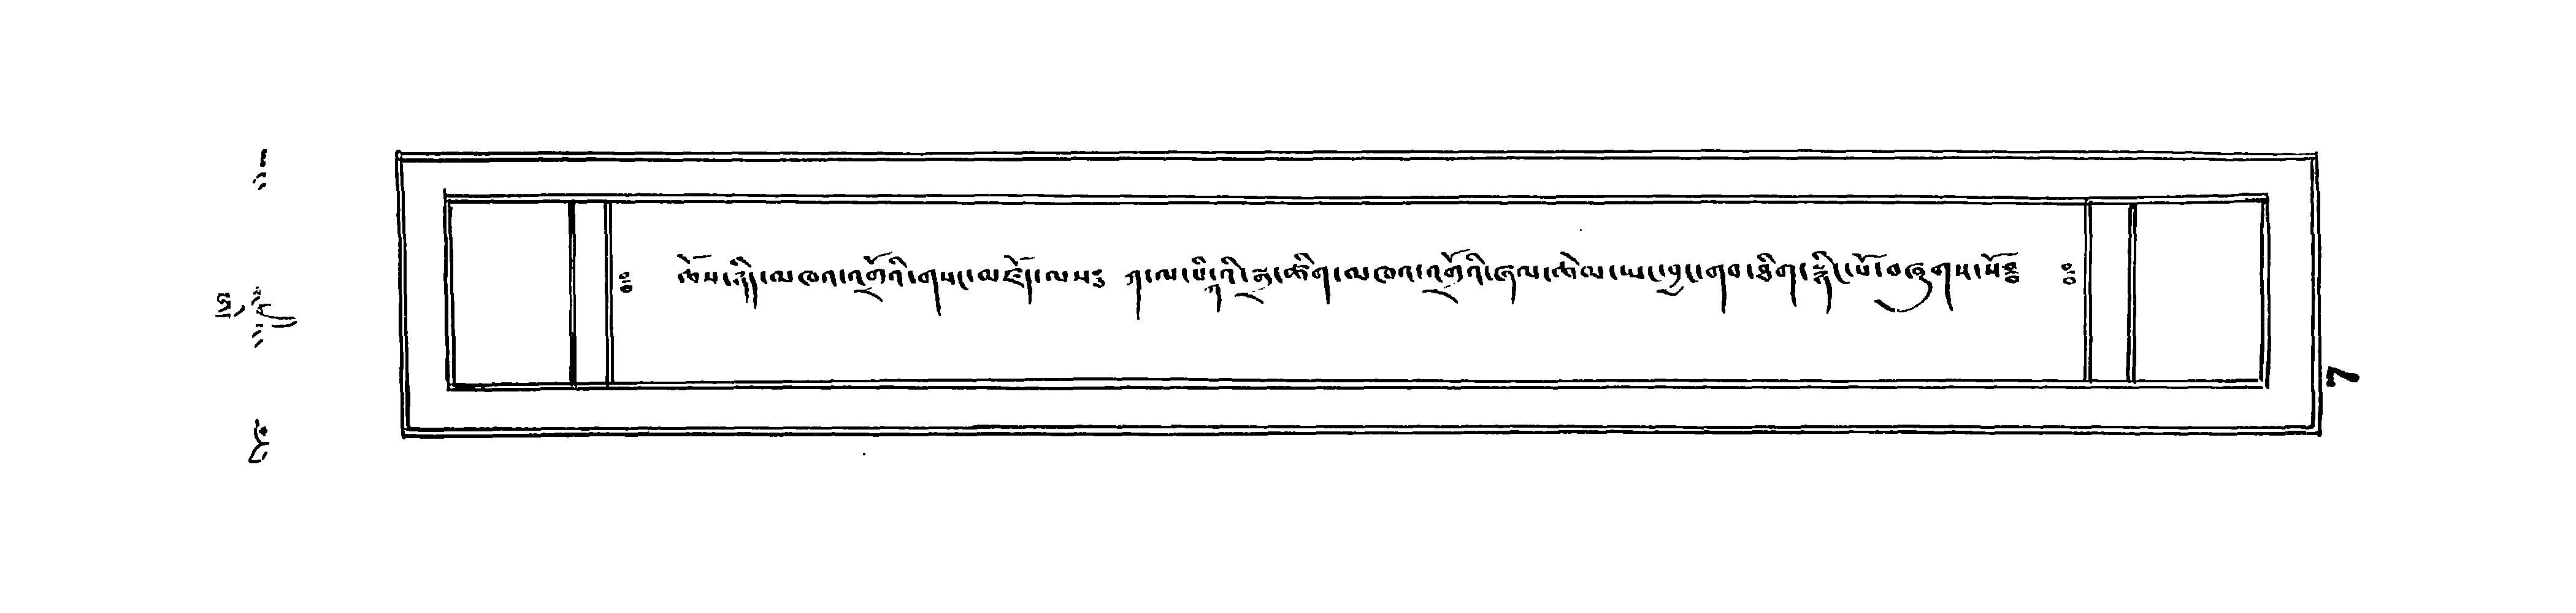ཆོས་ཉིད་མཁའ་འགྲོའི་གསང་མཛོད་ལས༔ ཀ་ལ་པིངྐའི་སྒྲ་ཚིག་མཁའ་འགྲོའི་ཞལ་ཆེམས་ཡང་བྱང་གབ་ཐིག་སྙིང་པོ་བཞུགས་སོ༔